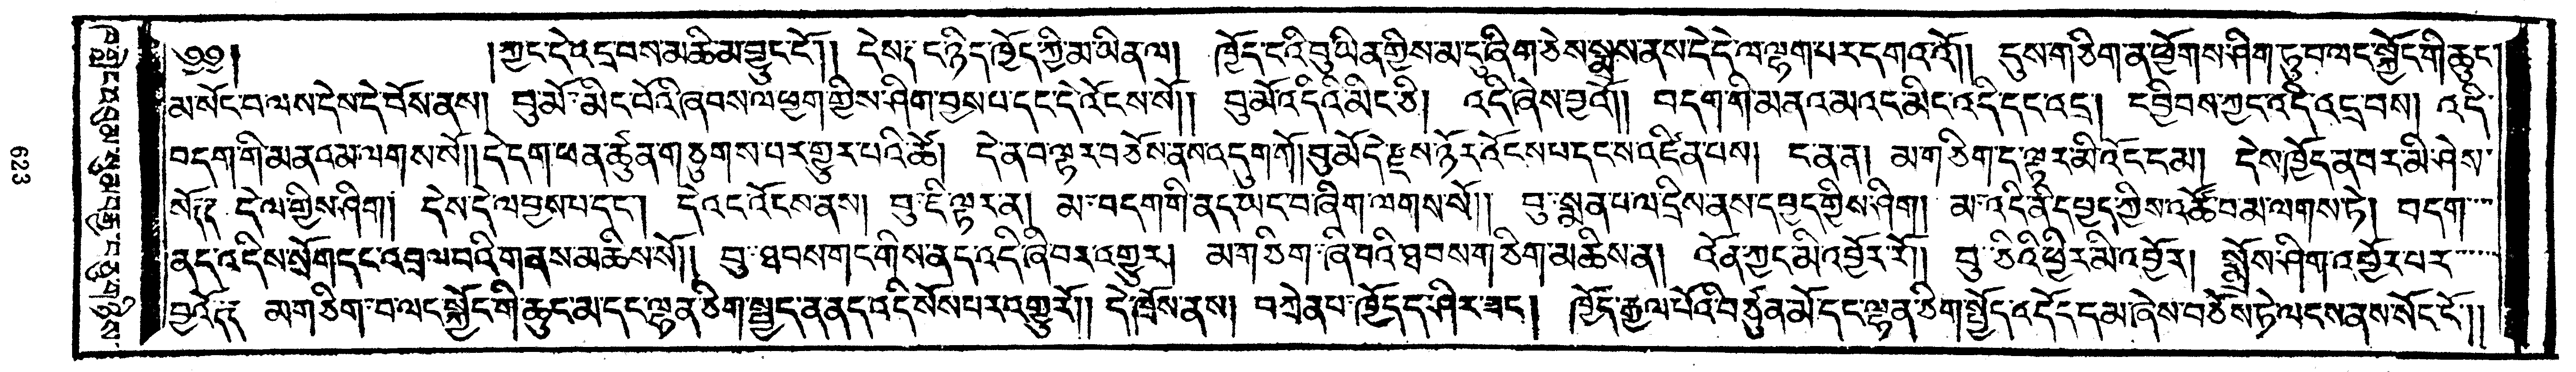༄༅། །ཀྱང་དེ་འདྲ་བས་མཆི་མ་བྱུང་ངོ།། དེས༑ ང་ཉིད་ཁྱོད་ཀྱི་མ་ཡིན་ལ། ཁྱོད་ངའི་བུ་ཡིན་གྱིས་མ་དུ་ཞིག་ཅེས་སྨྲས་ནས་དེ་དེ་ལ་ལྷག་པར་དགའ་འོ།། དུས་གཅིག་ན་ཕྱོགས་ཤིག་ཏུ་བ་ལང་སྐྱོང་གི་ཆུང་
མ་སོང་བ་ལས་དེས་དེ་བོས་ནས། བུ་མོ༑ མིང་པོའི་ཞབས་ལ་ཕྱག་གྱིས་ཤིག་བྱས་པ་དང་དེ་འོངས་སོ།། བུ་མོ་འདིའི་མིང་ཅི། འདི་ཞེས་བྱའོ།། བདག་གི་མནའ་མའང་མིང་འདི་དང་འདྲ། དབྱིབས་ཀྱང་འདི་འདྲ་བས། འདི་
བདག་གི་མནའམ་ལགས་སོ།། དེ་དག་ཕན་ཚུན་གཅུགས་པར་གྱུར་པའི་ཚེ། དེ་ན་བ་ལྟར་བཅོས་ནས་འདུག་གོ། བུ་མོ་དེ་རྫས་ཉོར་འོངས་པ་དང་ས་འཛིན་པས། ད་ན་ན། མ་གཅིག་ད་ལྟར་མི་འོང་ངམ། དེས་ཁྱོད་ན་བར་མི་ཤེས་
སོ༑༑ དེ་ལ་གྱིས་ཤིག། དེས་དེ་ལ་བྱས་པ་དང་། དེའང་འོངས་ནས། བུ་ཇི་ལྟར་ན། མ༑ བདག་གི་ནད་ཡང་བ་ཞིག་ལགས་སོ། བུ༑ སྨན་པ་ལ་དྲིས་ནས་དཔྱད་གྱིས་ཤིག། མ༑ འདི་ནི་དཔྱད་ཀྱིས་འཚོ་བ་མ་ལགས་ཏེ། བདག་
ནད་འདིས་སྲོག་དང་འབྲལ་བའི་གནས་མཆིས་སོ།། བུ༑ ཐབས་གང་གིས་ནད་འདི་ཞི་བར་འགྱུར། མ་གཅིག༑ ཞི་བའི་ཐབས་གཅིག་མཆིས་ན། འོན་ཀྱང་མི་འབྱོར་རོ། །བུ༑ ཅིའི་ཕྱིར་མི་འབྱོར། སྨྲོས་ཤིག་འབྱོར་བར་
བྱའོ༑༑ མ་གཅིག༑ བ་ལང་སྐྱོང་གི་ཆུང་མ་དང་ལྷན་ཅིག་སྤྱད་ན་ནད་འདི་སོས་པར་འགྱུརོ། །དེ་ཁྲོས་ནས། བཀྲེན་པ་ཁྱོད་ད་ཤིར་ཟང་། ཁྱོད་རྒྱལ་པོའི་བཙུན་མོ་དང་ལྷན་ཅིག་སྤྱོད་འདོད་དམ་ཞེས་བཅོས་ཏེ་ལངས་ནས་སོང་ངོ།།